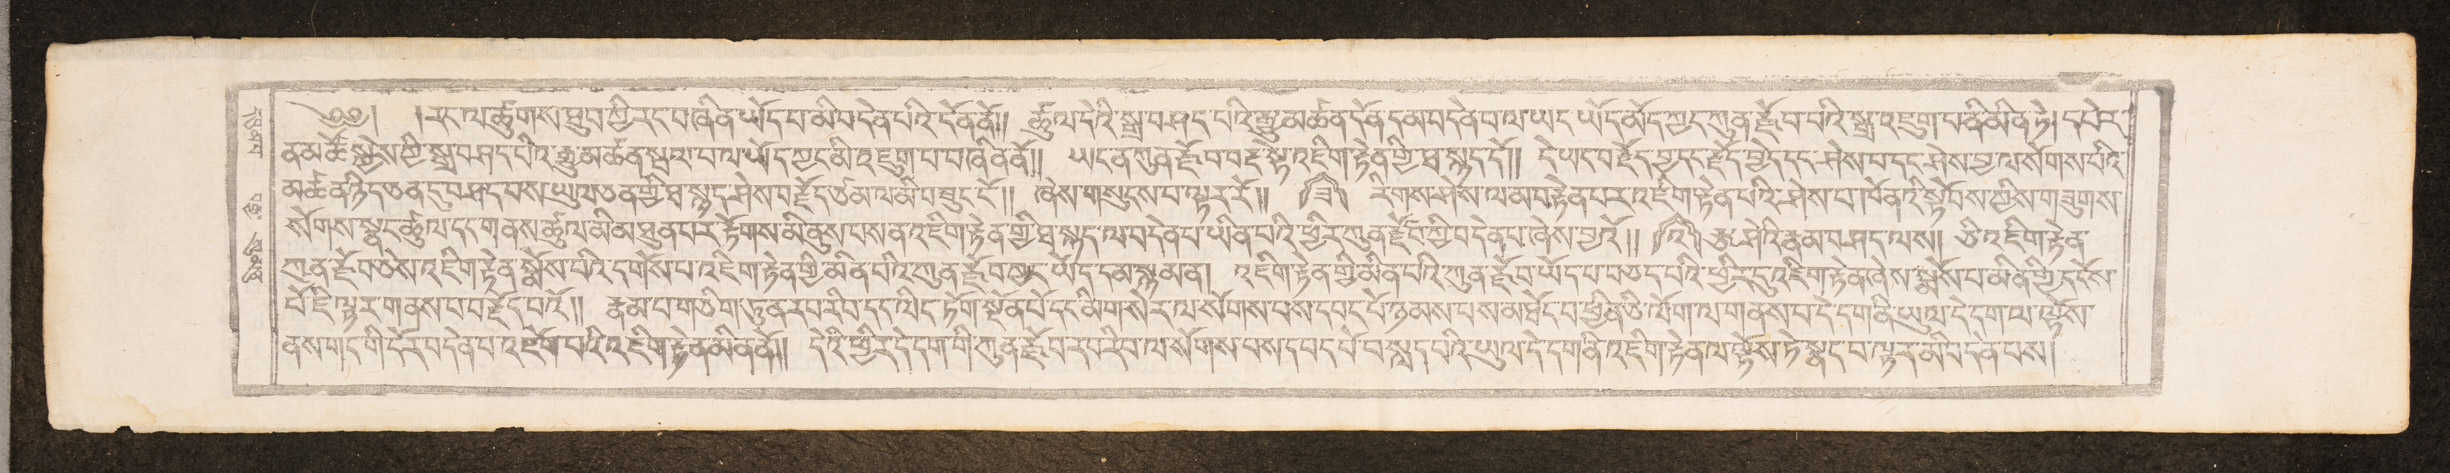༄༅། །རང་ལ་ཚུགས་ཐུབ་ཀྱི་རང་བཞིན་ཡོད་པ་མི་བདེན་པའི་དོན་ནོ།། ཚུལ་དེའི་སྒྲ་བཤད་པའི་རྒྱུ་མཚན་དོན་དམ་བདེན་བ་ལ་ཡང་ཡོད་མོད་ཀྱང་ཀུན་རྫོབ་པའི་སྒྲ་འཇུག་པ་ནི་མིན་ཏེ། དཔེར་
ན་མཚོ་སྐྱེས་ཀྱི་སྒྲ་བཤད་པའི་རྒྱུ་མཚན་སྤལ་བ་ལ་ཡོད་ཀྱང་མི་འཇུག་པ་བཞིན་ནོ།། ཡང་ན་ཀུན་རྫོབ་བརྔ་སྟེ་འཇིག་རྟེན་གྱི་ཐ་སྙད་དོ། །དེ་ཡང་བརྗོད་བྱ་དང་རྗོད་བྱེད་དང་ཤེས་པ་དང་ཤེས་བྱ་ལ་སོགས་པའི་
མཚན་ཉིད་ཅན་དུ་བཤད་པས་ཡུལ་ཅན་གྱི་ཐ་སྙད་ཤེས་བརྗོད་རྩམ་ལ་མི་བཟུང་ངོ།། ཞེས་གསུངས་པ་ལྟར་རོ།། ༼༽ཟ༼༽ རིགས་ཤེས་ལམ་བརྟེན་པར་འཇིག་རྟེན་པའི་ཤེས་པ་ཁོ་ནའི་སྟོབས་ཀྱིས་གཟུགས་
སོགས་སྣང་ཚུལ་དང་གནས་ཚུལ་མི་མཐུན་པར་རྟོགས་མི་ནུས་པས་ན་འཇིག་རྟེན་གྱི་ཐ་སྙད་ལ་བདེན་པ་ཡིན་པའི་ཕྱིར་ཀུན་རྫོབ་ཀྱི་བདེན་པ་ཞེས་བྱའོ།། ༼༽འ༼༽ རྩ་ཤེའི་རྣམ་བཤད་ལས། ཅི་འཇིག་རྟེན་
ཀུན་རྫོབ་ཅེས་འཇིག་རྟེན་སྨོས་པའི་དགོས་པ་འཇིག་རྟེན་གྱི་མིན་པའི་ཀུན་རྫོབ་ཀྱང་ཡོད་དམ་སྙམ་ན། འཇིག་རྟེན་གྱི་མིན་པའི་ཀུན་རྫོབ་ཡོད་པ་བཅད་པའི་ཕྱིར་དུ་འཇིག་རྟེན་ཞེས་སྨོས་པ་མིན་གྱི་དངོས་
པོ་ཇི་ལྟར་གནས་པ་བརྗོད་པའོ།། རྣམ་པ་གཅིག་ཏུ་ན་རབ་རིབ་དང་ལིང་ཏོག་སྔོན་པོ་དང་མིག་སེར་ལ་སོགས་པས་དབང་པོ་ཉམས་པས་མཐོང་བ་ཕྱིན་ཅི་ལོག་ལ་གནས་པ་དེ་དག་ནི་ཡུལ་དེ་དག་ལ་ལྟོས་
ནས་གང་གི་དོར་བདེན་པ་འཇོག་པའི་འཇིག་རྟེན་མིན་ནོ།། དེའི་ཕྱིར་དེ་དག་གི་ཀུན་རྫོབ་རབ་རིབ་ལ་སོགས་པས་དབང་པོ་བསླད་པའི་ཡུལ་དེ་དག་ནི་འཇིག་རྟེན་ལ་ལྟོས་ཏེ་སྣང་བ་ལྟར་མི་བདེན་པས།